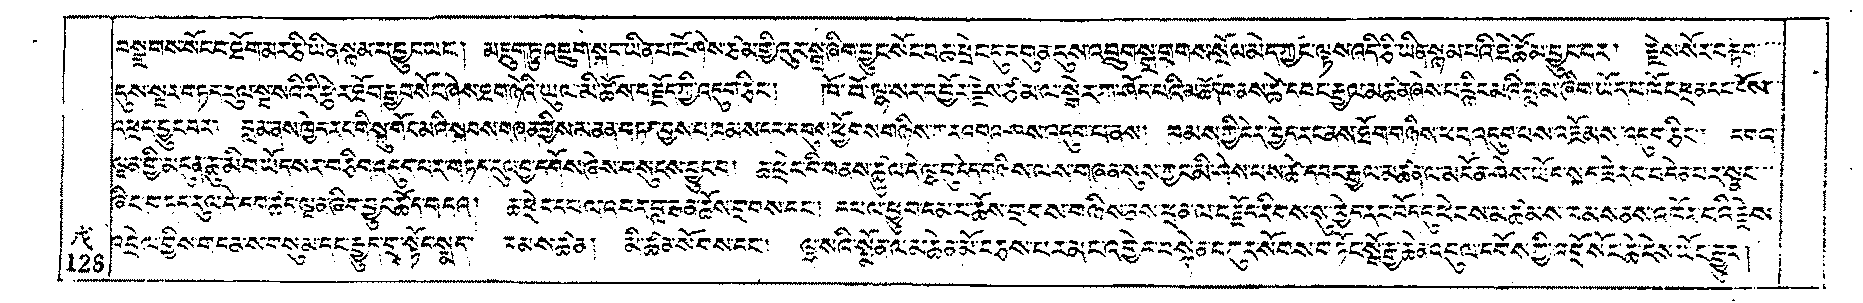བསྒྲགས་སོང་བ་ཐོག་མར་ཅི་ཡིན་སྙམ་པ་བྱུང་ཡང་། མཇུག་ཏུ་འབྲུག་སྐད་ཡིན་པ་ངོ་ཤེས་ཙམ་གྱི་འུར་སྒྲ་ཞིག་བྱུང་སོང་བ་ཆ་ཕྲེང་དུ་དགུན་དུས་འབྲུག་སྒྲ་གྲགས་སྲོལ་མེད་ཀྱང་ལྟས་འདི་ཅི་ཡིན་སྙམ་པའི་ཐེ་ཚོམ་བྱུང་བར། རྗེས་སོར་བརྟག་
དུས་སྔར་གཏད་རུལ་སྦ་སའི་རི་རྩེར་ཐོག་རྒྱབ་སོང་ཞེས་ཐག་ཉེའི་ཡུལ་མི་ཚོས་བརྗོད་ཀྱི་འདུག་ཅིང་། ཁོ་བོ་ལྷ་སར་འབྱོར་རྗེས་ཙམ་ལ་སྒེར་ཀ་ཤོད་པའི་མཆོད་གནས་ཚེ་དབང་རྒྱལ་མཚན་ཞེས་པ་རྙིང་མའི་བླ་མ་ཞིག་ཡོད་པ་ཁོང་ཕྲན་དང་ངོས་
འཕྲད་བྱུང་བར། བླ་མ་ནས་ཁྱེད་རང་གི་སྐུ་གོང་མའི་སྐབས་གཞན་གྱིས་མནན་གཏད་བྱས་པ་ཁམས་དང་དབུས་ཕྱོགས་གཉིས་ཀར་འགའ་ཤས་འདུག་པ་ནས། ཁམས་ཀྱི་དེར་ཁྱེད་རང་ནས་ཐོག་གཉིས་ཕབ་འདུག་པས་འཇོམས་འདུག་ཅིང་། དགའ་
ལྡན་གྱི་མདུན་ཆུ་མིག་ཡོད་སར་གཅིག་འདུག་པར་གཏད་རུལ་བྱ་དགོས་ཞེས་གསུངས་བྱུང་བ། ཆ་ཕྲེང་གི་གནས་ཚུལ་དེ་ལྷ་བུ་ངེད་གཉིས་ལས་གཞན་སུས་ཀྱང་མི་ཤེས་པས་ཚེ་དབང་རྒྱལ་མཚན་ལ་མངོན་ཤེས་ཡོད་སྐད་ཟེར་བ་བདེན་པར་སྣང་
ཞིང་གཏད་རུལ་དེ་དག་ཚད་ལྡན་ཞིག་བྱུང་ཚོད་གདའ། ཆ་ཕྲེང་དཔལ་འབར་བླ་རྒན་ཆོས་གྲགས་དང་། དཔལ་ཕྱུག་དམ་པ་ཆོས་གྲགས་གཉིས་ནས་ཕྲན་ལ་བརྗོད་རིགས་སུ་ཁྱེད་རང་བོད་དུ་ཕེབས་མཚམས་ཁམས་ནས་འཁོར་བའི་རྗེས་
འབྲེལ་གྱིས་གདན་ས་གསུམ་དང་རྒྱུད་གྲྭ་སྟོད་སྨད། ཁམས་ཚན། མི་ཚན་སོགས་དང་། ལྷ་སའི་སྨོན་ལམ་ཆེན་མོ་བཅས་པར་མང་འགྱེད་བསྙེན་བཀུར་སོགས་གཏོང་སྒོ་རྒྱ་ཆེན་འབུལ་དགོས་ཀྱི་འགྲོ་སོང་ཆེ་ངེས་ཡོང་རྒྱུར།